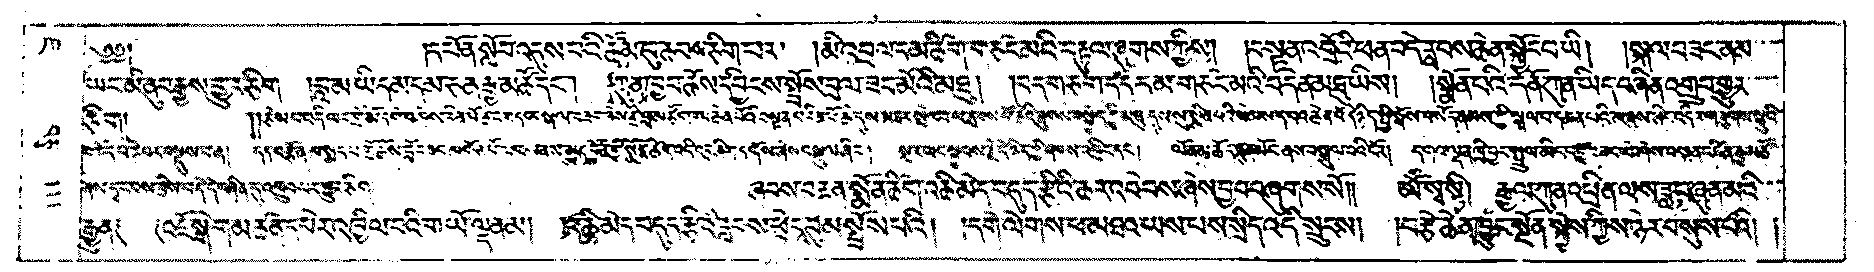༄༅། །དཔོན་སློབ་འདུས་པའི་ཚོམ་བུ་ཆབས་ཅིག་པར། །མི་འབྲལ་དམ་ཚིག་གཙང་མའི་བརྟུལ་ཞུགས་ཀྱིས། །བསྟན་འགྲོའི་ཕན་བདེ་རླབས་ཆེན་སྐྱོང་བ་ཡི། །སྐལ་བཟང་ནམ་
ཡང་མི་ནུབ་རྒྱས་གྱུར་ཅིག །བླ་མ་ཡི་དམ་དམ་ཅན་རྒྱ་མཚོ་དང་། །ཀུན་ཁྱབ་ཆོས་དབྱིངས་སྤྲོས་བྲལ་ཟབ་མོའི་མཐུ། །བདག་ཅག་དད་དམ་གཙང་མའི་བདེན་མཐུ་ཡིས། །སྨོན་པའི་དོན་ཀུན་ཡིད་བཞིན་འགྲུབ་གྱུར་
ཅིག ། །།ཅེས་པ་འདི་ཡང་གྲོ་མོ་དགེ་བཤེས་རིན་པོ་ཆེ་ངག་དབང་སྐལ་བཟང་ཞེས་རྗེ་བླ་མ་ཙོང་ཁ་པ་ཆེན་པོའི་བསྟན་པ་རིན་པོ་ཆེ་དུས་མཐར་སྤེལ་བ་ལ་རླབས་པོ་ཆེའི་ཐུགས་བསྐྱེད་ཀྱི་མཐུ་དུས་སུ་སྨིན་པའི་སེམས་དཔའ་ཆེན་པོ་དེ་ཉིད་སྤྱི་སྒོས་བསོད་ནམས་ཀྱི་སྐལ་བ་དམན་པའི་མཐུས་ཞིང་འདིར་གཟུགས་སྐུའི་
བཀོད་པ་ཉེ་བར་བསྡུས་པ་ན། དད་བརྩོན་མ་སྨད་པ་གྲོ་ཆོས་བློ་བཟང་མགོན་པོ་ལགས་ནས་མྱུར་བྱོན་གྱི་སྨོན་ཚིག་འདི་འདྲ་ཞིག་དགོས་ཞེས་བསྐུལ་ཞིང་། སླར་ཡང་སྐྱབས་རྗེ་དེ་ཉིད་ཀྱི་ཞབས་འབྲིང་དང་། ཡོན་མཆོད་ཐུན་མོང་ནས་བསྐུལ་བའི་ངོར། དགའ་ལྡན་ཁྲི་བྱང་སྤྲུལ་མིང་པ་བློ་བཟང་ཡེ་ཤེས་བསྟན་འཛིན་རྒྱ་མཚོ་
ནས་དྭང་བས་བྲིས་པ་དེ་དེ་བཞིན་དུ་འགྲུབ་པར་གྱུར་ཅིག ། །། ༈ ཞབས་བརྟན་སྨོན་ཚིག་འཆི་མེད་བདུད་རྩིའི་ཆར་འབེབས་ཞེས་བྱ་བ་བཞུགས་སོ། །ཨོཾ་སྭ་སྟི། རྒྱལ་ཀུན་འཕྲིན་ལས་ཟླ་བ་ཞུན་མའི་
རྒྱུན༑ ༑འཇོ་སྒེག་མཚན་དཔེར་འཁྱིལ་བའི་གཡོ་ལྡན་མ། འཆི་མེད་བདུད་རྩིའི་རླབས་ཕྲེང་འབུམ་སྤྲོས་པའི། །དགེ་ལེགས་ཕ་མཐའ་ཡས་པས་སྲིད་འདི་སྲུངས། །བརྩེ་ཆེན་ཁྱུང་སྔོན་སྐྱེས་ཀྱིས་ཉེར་བསུས་པའི། །